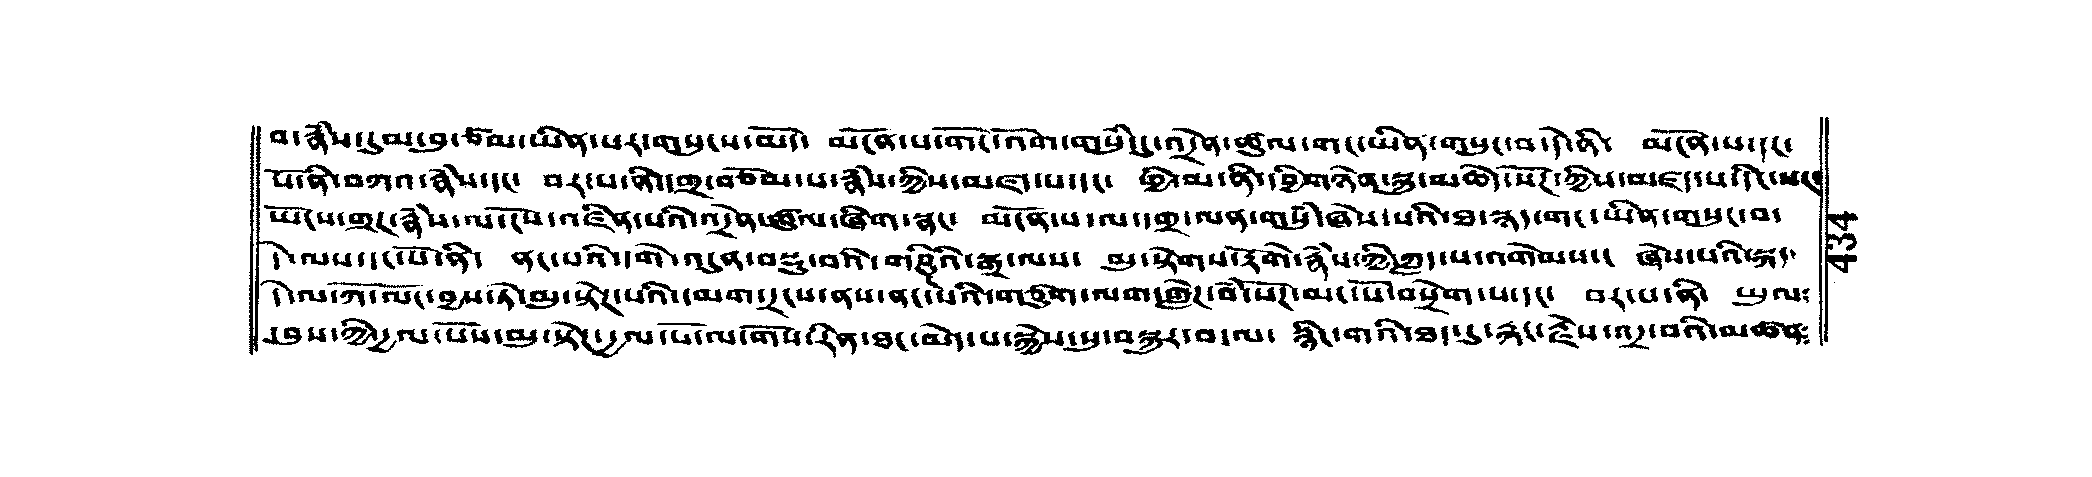བ་རྣམས་དུམ་བུ་ཙམ་ཡིན་པར་གསུངས་མོད། མངོན་པ་གོང་འོག་གསུམ་དུ་འདྲེན་ཚུལ་གང་ཡིན་གསུང་བ་དེ་ནི། མངོན་པ་དང་
པོ་ནི་བཀའ་རྣམས་དང་། བར་པ་ནི་དགྲ་བཅོམ་པ་རྣམས་ཀྱིས་མཛད་པ་དང་། ཕྱི་མ་ནི་དབྱིག་གཉེན་སྐུ་མཆེད་སོགས་ཀྱིས་མཛད་པ་དིང་སང་
ཡོངས་གྲགས་རྣམས་ལ་ངོས་འཛིན་པའི་འདྲེན་ཚུལ་ཞིག་སྣང་།མངོན་པ་ལ་དགྲ་ལན་གསུམ་ཞེས་བའི་ཐ་སྙད་གང་ཡིན་གསུང་བ། 
དེ་ལས་དང་པོ་ནི། ནང་པའི་དགེ་འདུན་བསྡུ་བའི་གཎྜིའི་སྒྲ་ལས། མུ་སྟེགས་རྟོག་གེ་རྣམས་ཀྱི་ཀླད་པ་འགེམས། ཞེས་པའི་སྐད་
དེ་ལ་ཀོ་ལོང་བྱས་ཏེ་མུ་སྟེགས་པའི་དམག་དྲངས་ནས་ནང་པའི་གཙུག་ལག་གླེགས་བམ་སོགས་མང་པོ་བསྲེག་པ་དང་། བར་པ་ནི། ཡུལ་
དབུས་ཀྱི་རྒྱལ་པོས་མུ་སྟེགས་རྒྱལ་པོ་ལ་གོས་རིན་ཐང་མེད་པ་སྐྱེས་སུ་བསྐུར་བ་ལ། སྙིང་གའི་ཐད་དུ་རྐང་རྗེས་འདྲ་བའི་མཚན་